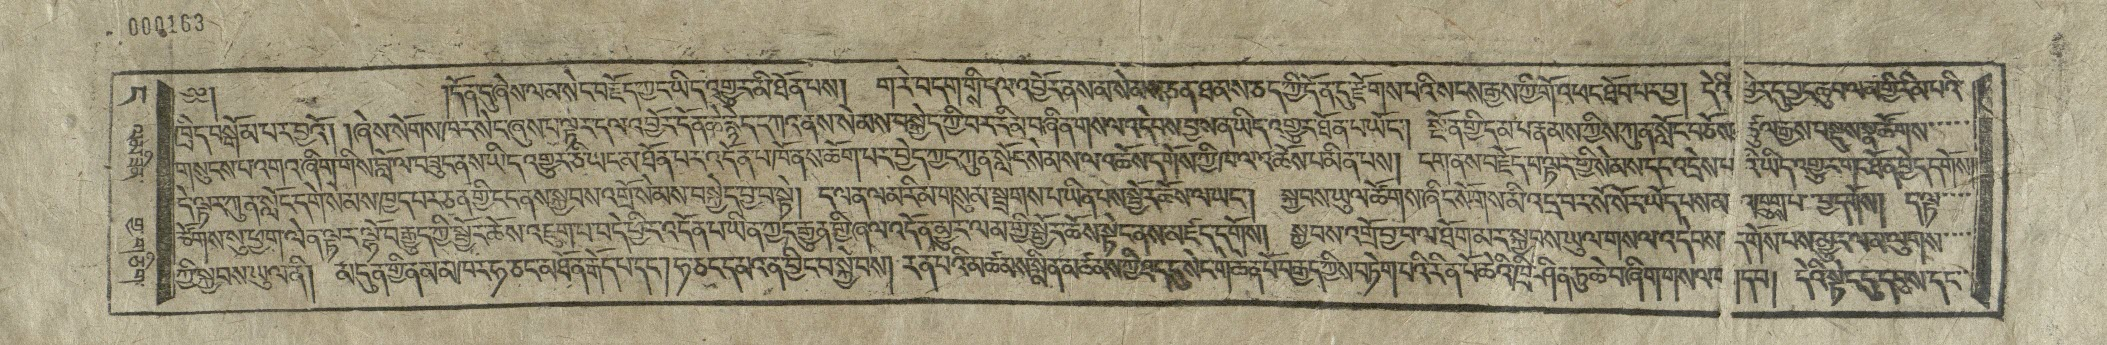༄༅། །དོན་དུ་ཞེས་ལམ་སེང་བརྗོད་ཀྱང་ཡིད་འགྱུར་མི་ཐེན་པས། ག་རེ་བདག་གིས་དལ་འབྱོར་ནས་མ་སེམས་ཅན་ཐམས་ཅད་ཀྱི་དོན་དུ་རྫོགས་པའི་སངས་རྒྱས་ཀྱི་གོ་འཕང་ཐོབ་པར་བྱ། དེའི་ཕྱིར་དུ་བྱང་ཆུབ་ལམ་གྱི་རིམ་པའི་
ཁྲིད་བསྒོམ་པར་བྱའོ། །ཞེས་སོགས་ཁར་སེང་ཞུས་པ་ལྟར་དལ་འབྱོར་དོན་ཆེ་རྙེད་དཀའ་ནས་སེམས་བསྐྱེད་ཀྱི་བར་རིམ་བཞིན་གསལ་འདེབས་བྱས་ན་ཡིད་འགྱུར་ཐོན་པ་ཡོང་། སྔོན་གྱི་དམ་པ་རྣམས་ཀྱིས་ཀུན་སློང་བཅོས་ཚུལ་རྒྱས་བསྡུས་སྣ་ཚོགས་
གསུངས་པ་འགའ་ཞིག་གིས་བློ་ལ་བཟུང་ནས་ཡིད་འགྱུར་ཅི་ཡང་མ་ཐོན་པར་འདོན་པ་ཁོ་ནས་ཆོག་པར་བྱེད་ཀྱང་ཀུན་སློང་སེམས་ལ་འཆོས་དགོས་ཀྱི་ཁ་ལ་འཆོས་པ་མིན་པས། ངག་ནས་བརྗོད་པ་ལྟར་གྱི་སེམས་དང་འདྲེས་པའི་ཡིད་འགྱུར་གང་ཐོན་བྱེད་དགོས།
དེ་ལྟར་ཀུན་སློང་དགེ་སེམས་ཁྱད་པར་ཅན་གྱི་ངང་ནས་སྐྱབས་འགྲོ་སེམས་བསྐྱེད་བྱ་བ་སྟེ། ད་ལན་ལམ་རིམ་གསུམ་སྦྲགས་པ་ཡིན་པས་སྦྱོར་ཆོས་ལ་ཡང་། སྐྱབས་ཡུལ་ཚོགས་ཞིང་སོགས་མི་འདྲ་བར་སོ་སོར་ཡོད་པས་མ་འཁྲུགས་པ་བྱ་དགོས། ད་ལྟ་
ཚོགས་སུ་ཕྱག་ལེན་ལྟར་ལྷོ་བརྒྱུད་ཀྱི་སྦྱོར་ཆོས་འཇུག་པ་བདེ་ཕྱིར་འདོན་པ་ཡིན་ཀྱང་རྒྱུན་གྱི་ཞལ་འདོན་མྱུར་ལམ་གྱི་སྦྱོར་ཆོས་སྟེང་ནས་མཛད་དགོས། སྐྱབས་འགྲོ་བྱ་བ་ལ་ཐོག་མར་སྐྱབས་ཡུལ་གསལ་འདེབས་དགོས་པས་མྱུར་ལམ་ལུགས་
ཀྱི་སྐྱབས་ཡུལ་ནི། མདུན་གྱི་ནམ་མཁར་ཧ་ཅང་མཐོ་ན་རྒོད་པ་དང་། ཧ་ཅང་དམའ་ན་བྱིང་བ་སྐྱེ་བས། རན་པའི་མཚམས་སྨིན་མཚམས་ཀྱི་ཐད་དུ་སེང་གེ་ཆེན་པོ་བརྒྱད་ཀྱིས་བཏེག་པའི་རིན་པོ་ཆེའི་ཁྲི་ཤིན་ཏུ་ཆེ་བ་ཞིག་གསལ་གདབ། དེའི་སྟེང་དུ་དབུས་དང་